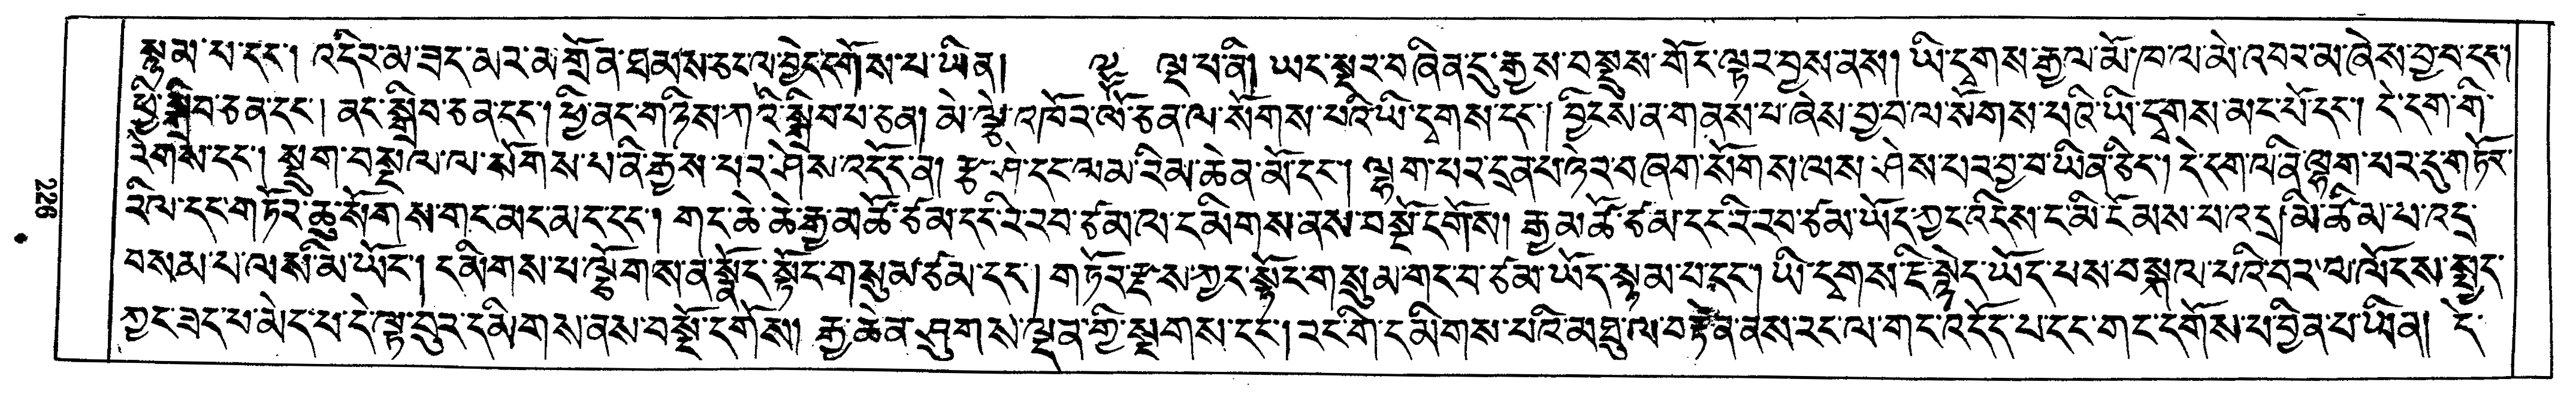སྙམ་པ་དང་། འདིར་མ་ཟད་མར་མགྲོན་ཐམས་ཅད་ལ་བྱེད་དགོས་པ་ཡིན། ༈ ལྔ་པ་ནི། ཡང་སྔར་བཞིན་དུ་རྒྱས་བསྡུས་གོང་ལྟར་བྱས་ནས། ཡི་དྭགས་རྒྱལ་མོ་ཁ་ལ་མེ་འབར་མ་ཞེས་བྱ་བ་དང་།
ཕྱི་སྒྲིབ་ཅན་དང་། ནང་སྒྲིབ་ཅན་དང་། ཕྱི་ནང་གཉིས་ཀའི་སྒྲིབ་པ་ཅན། མེ་ལྕེ་འཁོར་ལོ་ཅན་ལ་སོགས་པའི་ཡི་དྭགས་དང་། བྱིང་ས་ན་གནས་བཞེས་བྱ་བ་ལ་སོགས་པའི་ཡི་དྭགས་མང་པོ་དང་། དེ་དག་གི་
རིགས་དང་། སྡུག་བསྔལ་ལ་སོགས་པ་ནི་རྒྱས་པར་ཤེས་འདོད་ན། རྩ་ཤེ་དང་ལམ་རིམ་ཆེན་མོ་དང་། ལྷག་པར་དྲན་པ་ཉེར་བཞག་སོགས་ལས་ཤེས་པར་བྱ་བ་ཡིན་ཅིང་། དེ་དག་ལ་ནི་ལྷག་པར་དུ་གཏོར་
རིལ་དང་གཏོར་ཆུ་སོགས་གང་མང་མང་དང་། གང་ཆེ་ཆེ་རྒྱ་མཚོ་ཙམ་དང་རི་རབ་ཙམ་ལ་དམིགས་ནས་བསྔོ་དགོས། རྒྱ་མཚོ་ཙམ་དང་རི་རབ་ཙམ་ཡོད་ཀྱང་འདིས་ང་མི་ངོམས་པ་འདྲ། མི་ཚིམ་པ་འདྲ་
བསམ་པ་ལས་མི་ཡོང་། དམིགས་པ་ལྕོགས་ན་སྣོད་སྟོང་གསུམ་ཙམ་དང་། གཏོར་རྫས་ཀྱང་སྟོང་གསུམ་གང་བ་ཙམ་ཡོད་སྙམ་པ་དང་། ཡི་དྭགས་ཇི་སྙེད་ཡོད་པས་བསྐལ་པའི་བར་ལ་ལོངས་སྤྱད་
ཀྱང་ཟད་པ་མེད་པ་དེ་ལྟ་བུར་དམིགས་ནས་བསྔོ་དགོས། རྒྱ་ཆེན་ཤུགས་ལྡན་གྱི་སྔགས་དང་། རང་གི་དམིགས་པའི་མཐུ་ལ་བརྟེན་ནས་རང་ལ་གང་འདོད་པ་དང་གང་དགོས་པ་བྱིན་པ་ཡིན། དེ་